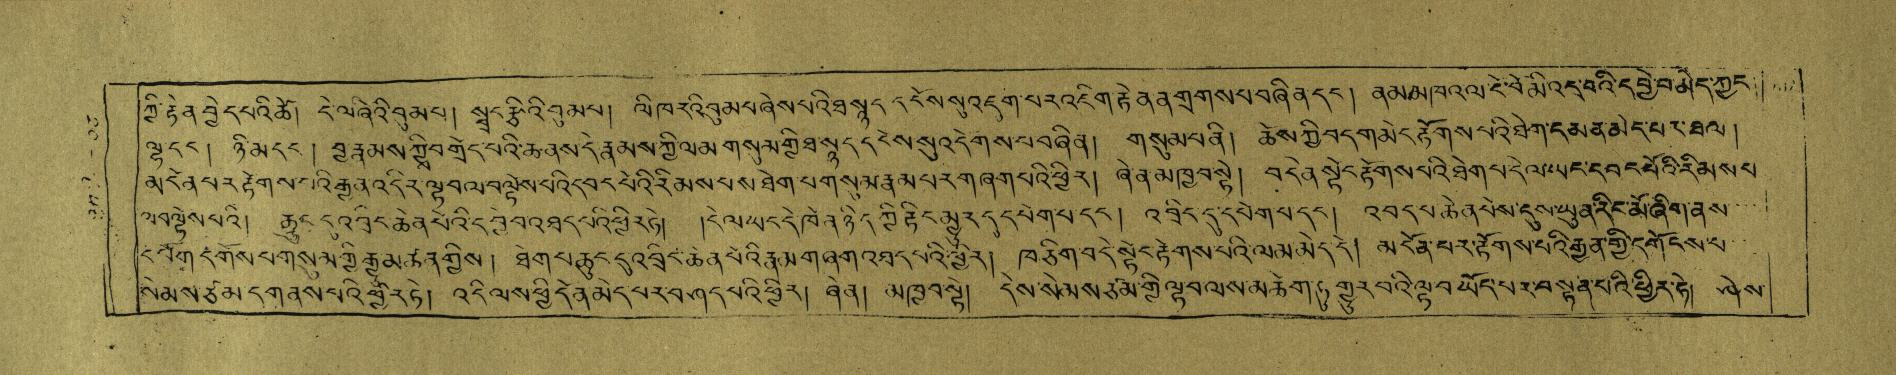ཀྱི་རྟེན་བྱེད་པའི་ཚེ། དེ་ལ་ཞོའི་བུམ་པ། སྦྲང་རྩིའི་བུམ་པ། ལི་ཁ་རའི་བུམ་པ་ཞེས་པའི་ཐ་སྙད་དངོས་སུ་འཇུག་པར་འཇིག་རྟེན་ན་གྲགས་པ་བཞིན་དང་། ནམ་མཁའ་ལ་ངོ་བོ་མི་འདྲ་བའི་དབྱེ་བ་མེད་ཀྱང་།
ལྷ་དང་། ཉི་མ་དང་། བྱ་རྣམས་ཀྱིས་བགྲོད་པའི་ཆ་ནས་དེ་རྣམས་ཀྱི་ལམ་གསུམ་གྱི་ཐ་སྙད་དངོས་སུ་འདོགས་པ་བཞིན། གསུམ་པ་ནི། ཆོས་ཀྱི་བདག་མེད་རྟོགས་པའི་ཐེག་དམན་མེད་པར་ཐལ།
མངོན་པར་རྟོགས་པའི་རྒྱན་འདིར་ལྟ་བ་ལ་བལྟོས་པའི་དབང་པོའི་རིམས་པས་ཐེག་པ་གསུམ་རྣམ་པར་གཞག་པའི་ཕྱིར། ཞེ་ན་མ་ཁྱབ་སྟེ། བདེན་སྟོང་རྟོགས་པའི་ཐེག་པ་དེ་ལ་ཡང་དབང་པོའི་རིམས་པ་
ལ་བལྟོས་པའི། ཆུང་དུ་འབྲིང་ཆེན་པོའི་དབྱེ་བ་འཐད་པའི་ཕྱིར་ཏེ། །དེ་ལ་ཡང་དེ་ཁོ་ན་ཉིད་ཀྱི་རྟིང་མྱུར་དུ་དཔོག་པ་དང་། འབྲིང་དུ་དཔོག་པ་དང་། འབད་པ་ཆེན་པོས་དུས་ཡུན་རིང་མོ་ཞིག་ནས་
དཔོག་དགོས་པ་གསུམ་གྱི་རྒྱུ་མཚན་གྱིས། ཐེག་པ་ཆུང་དུ་འབྲིང་ཆེན་པོའི་རྣམ་གཞག་འཐད་པའི་ཕྱིར། ཁ་ཅིག་བདེ་སྟོང་རྟོགས་པའི་ལམ་མེད་དེ། མངོན་པར་རྟོགས་པའི་རྒྱན་གྱི་དགོངས་པ་
སེམས་ཙམ་དུ་གནས་པའི་ཕྱིར་ཏེ། འདི་ལས་ཕྱི་དོན་མེད་པར་བཤད་པའི་ཕྱིར། ཞེ་ན། མ་ཁྱབ་སྟེ། དེས་སེམས་ཙམ་གྱི་ལྟ་བ་ལས་མཆོག་ཏུ་གྱུར་བའི་ལྟ་བ་ཡོད་པར་བསྟན་པའི་ཕྱིར་ཏེ། ཤེས་